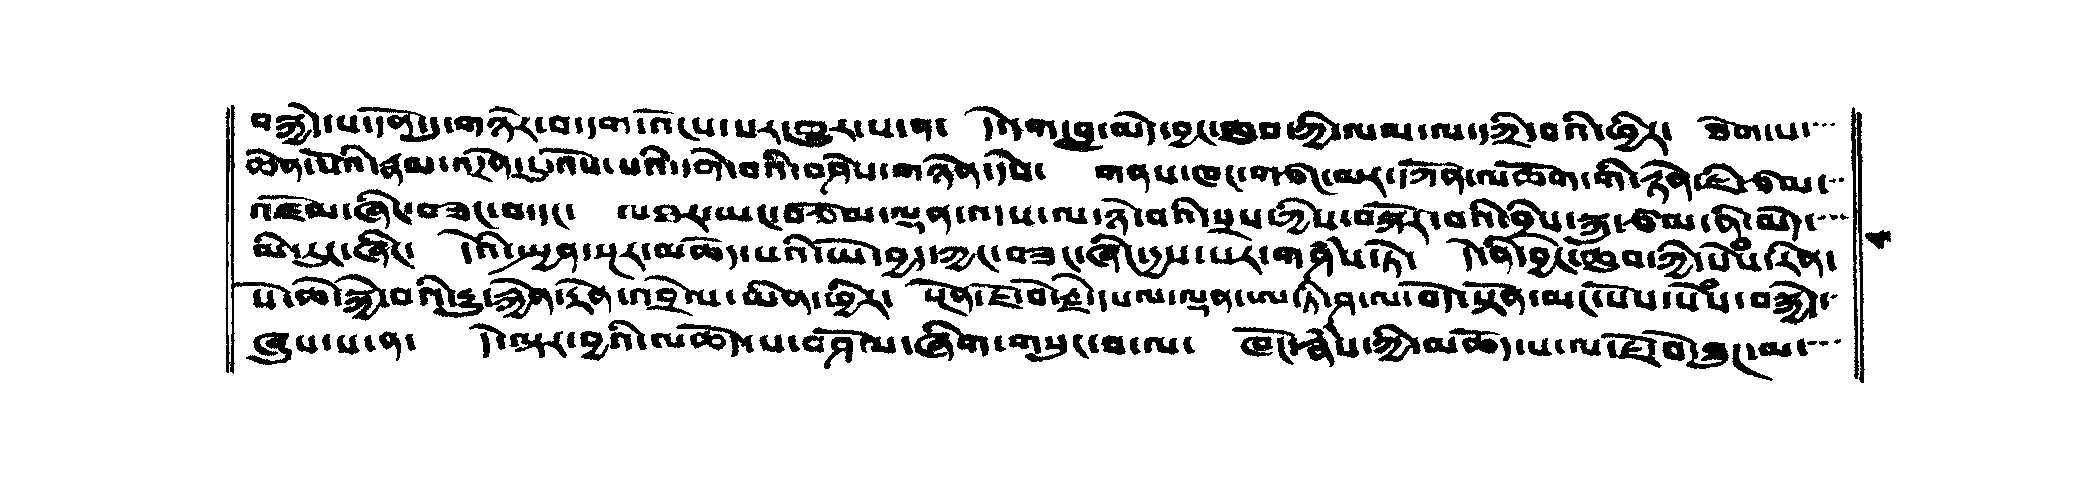བསྐྱེད་པ་དོན་དུ་གཉེར་བདག་འོངས་པ་གྱུར་པ་ན། དེ་དག་བླ་མེད་བྱང་ཆུབ་ཀྱི་ལས་ལ་དཀྲི་བའི་ཕྱིར་ཐེག་པ་
ཆེན་པོའི་རྣམ་འདྲེན་དུ་འོས་པའི་དགེ་བའི་བཤེས་གཉེན་དེས། གནས་ཁང་གཙང་དཀོན་མཆོག་གི་རྟེན་ཇི་ཙམ་
འཛོམ་ཞིང་བཟང་བ་དང་། མཐར་ཡང་བཅོམ་ལྡན་འདས་ལ་ཉེ་བའི་སྲས་ཀྱིས་བསྐོར་བའི་བྲིས་སྐུ་ཙམ་ནི་མེད་
མི་རུང་ཞིང་། དེའི་སྤྱན་སྔར་མཆོད་པའི་ཡོ་བྱད་ཀྱང་བཟང་ཞིང་རྒྱས་པར་གཤམས་ཏེ། དེ་ནི་བྱང་ཆུབ་ཀྱི་སེམས་རིན་
པོ་ཆེ་སྐྱེ་བའི་རྒྱུ་རྐྱེན་རྟེན་འབྲེལ་ཡིན་ཕྱིར། སྔོན་ཇོ་བོ་རྗེ་དཔལ་ལྡན་ཨ་ཏི་ཤ་ལ་བོད་སྟོན་མང་པོས་སེམས་བསྐྱེད་
ཞུས་པ་ན་ དེ་ལྟར་བྱའི་མཆོད་པ་བཤོལ་ཞིག་གསུང་བ་ལ་ ཁོང་རྣམས་ཀྱི་མཆོད་པ་ལ་ཇོ་བོ་ཐུགས་མ་